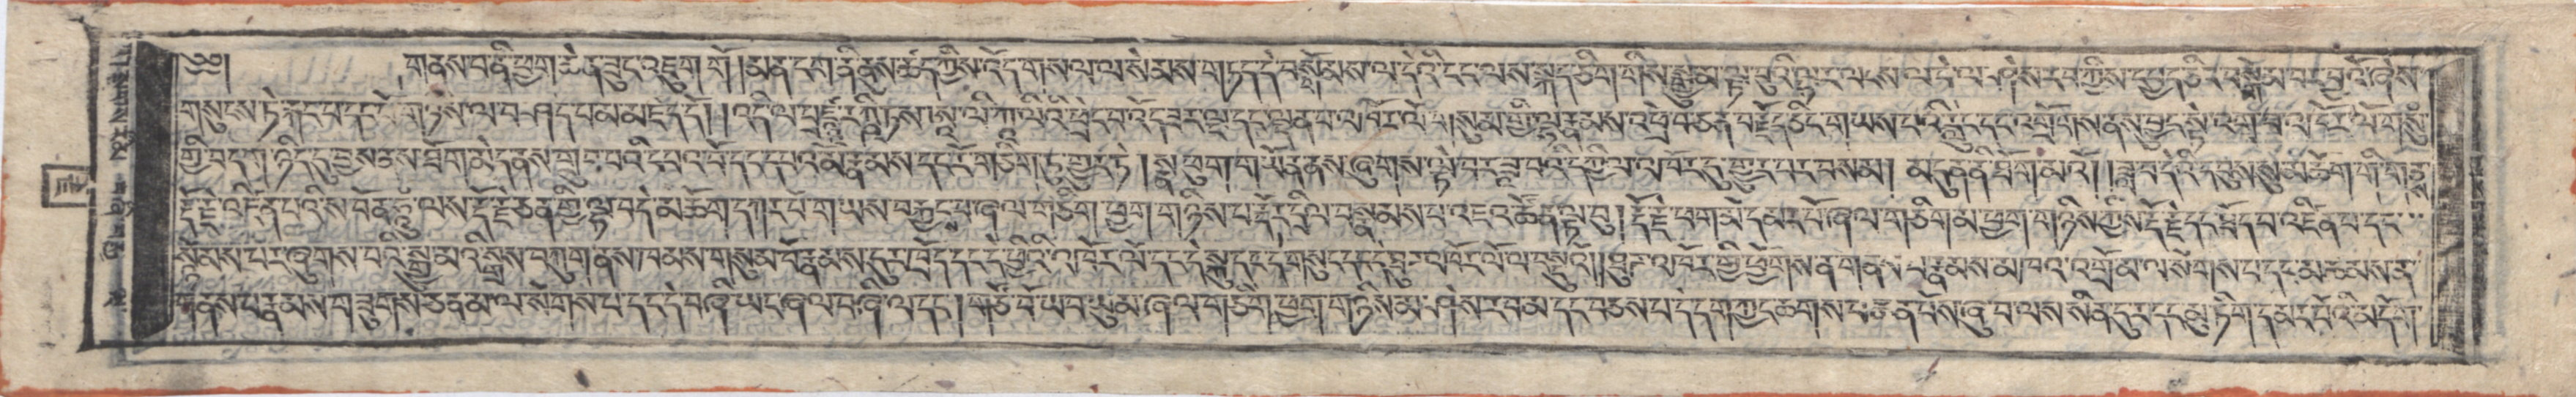༄༅། །གནས་པ་ནི་ཕྱག་ཆེན་ཟུང་འཇུག་གོ །མན་ངག་ནི་ནུས་ཚད་ཀྱིས་འོད་གསལ་ལ་སེམས་གཏད་དེ་བསྒོམས་ལ་དེའི་ངང་ལས་སྐད་ཅིག་གིས་སྒྱུ་མ་ལྟ་བུའི་ལྷར་ལངས་ལ་དེ་ལ་ཤེས་རབ་ཀྱིས་དཔྱད་ཅིང་བསྒོམ་པར་བྱའོ་ཞེས་
གསུངས་ཏེ་རྐང་པ་དང་པོ་གཉིས་ལ་བཤད་པ་མ་མཛད་དོ། །འདི་ལ་པྲཛྙཱ་རཀྵི་ཏས་ཨཱ་ལི་ཀཱ་ལིའི་ཕྲེང་བ་འོད་ཟེར་ལྔ་དང་ལྡན་པ་འཁོར་ལོ་གསུམ་གྱི་ལྷ་རྣམས་འཕྲོ་བ་ཅན་བརྗོད་ཅིང་གཡས་པའི་རླུང་དང་འགྲོགས་ནས་བྱུང་སྟེ་འགྲོ་བ་འཁོར་ལོ་གསུམ་
གྱི་བདག་ཉིད་དུ་བྱས་ནས་ཐོག་མེད་ནས་གྲུབ་པའི་དཔའ་བོ་དང་དཔའ་མོ་རྣམས་དང་རོ་གཅིག་ཏུ་གྱུར་ཏེ། སྣ་ཕུག་གཡོན་ནས་ཞུགས་ལྟེ་བར་ཟླ་བའི་དཀྱིལ་འཁོར་དུ་གྱུར་པར་བསམ། མདུན་ནི་ཐོག་མའོ། །ཟླ་བ་དེའི་དབུས་སུ་མཆོག་གི་གནས་
རྡོ་རྗེ་འཛིན་པའི་ས་བོན་ཧཱུཾ་ལས་རྡོ་རྗེ་ཅན་གྱི་ལྷ་བདེ་མཆོག་དཀར་པོ་གཡས་བརྐྱངས་པ་ཞལ་གཅིག་ཕྱག་གཉིས་པ་རྡོར་དྲིལ་བ་བསྣམས་པ་འཇའ་ཚོན་ལྟ་བུ། རྡོ་རྗེ་ཕག་མོ་དམར་པོ་ཞལ་གཅིག་མ་ཕྱག་གཉིས་ཀྱིས་རྡོ་རྗེ་དང་ཐོད་པ་འཛིན་པ་དང་
སྙོམས་པར་ཞུགས་པའི་སྒྱུ་མའི་སྒྲས་བཀུག་ནས་ཁམས་གསུམ་པོ་རྣམས་དུར་ཁྲོད་དང་དེ་ཕྱིའི་འཁོར་ལོ་དང་དེ་སྐུ་དང་དེ་གསུང་དང་དེ་ཐུགས་འཁོར་ལོ་ལ་བསྡུའོ། །ཐུགས་འཁོར་གྱི་ཕྱོགས་ན་གནས་པ་རྣམས་མཁའ་འགྲོ་མ་ལ་སོགས་པ་དང་མཚམས་ན་
གནས་པ་རྣམས་གཟུགས་ཅན་མ་ལ་སོགས་པ་དང་དེ་བཞི་ཡང་ཞལ་བཞི་ལ་དང་། གཙོ་བོ་ཡབ་ཡུམ་ཞལ་གཅིག་ཕྱག་གཉིས་མ་ཤེས་རབ་མ་དང་བཅས་པ་དེ་དག་ཀྱང་ཆགས་པ་ཆེན་པོས་ཞུ་བ་ལས་སིན་དུ་ར་དང་མུ་ཏིག་དམར་པོའི་མདོག་